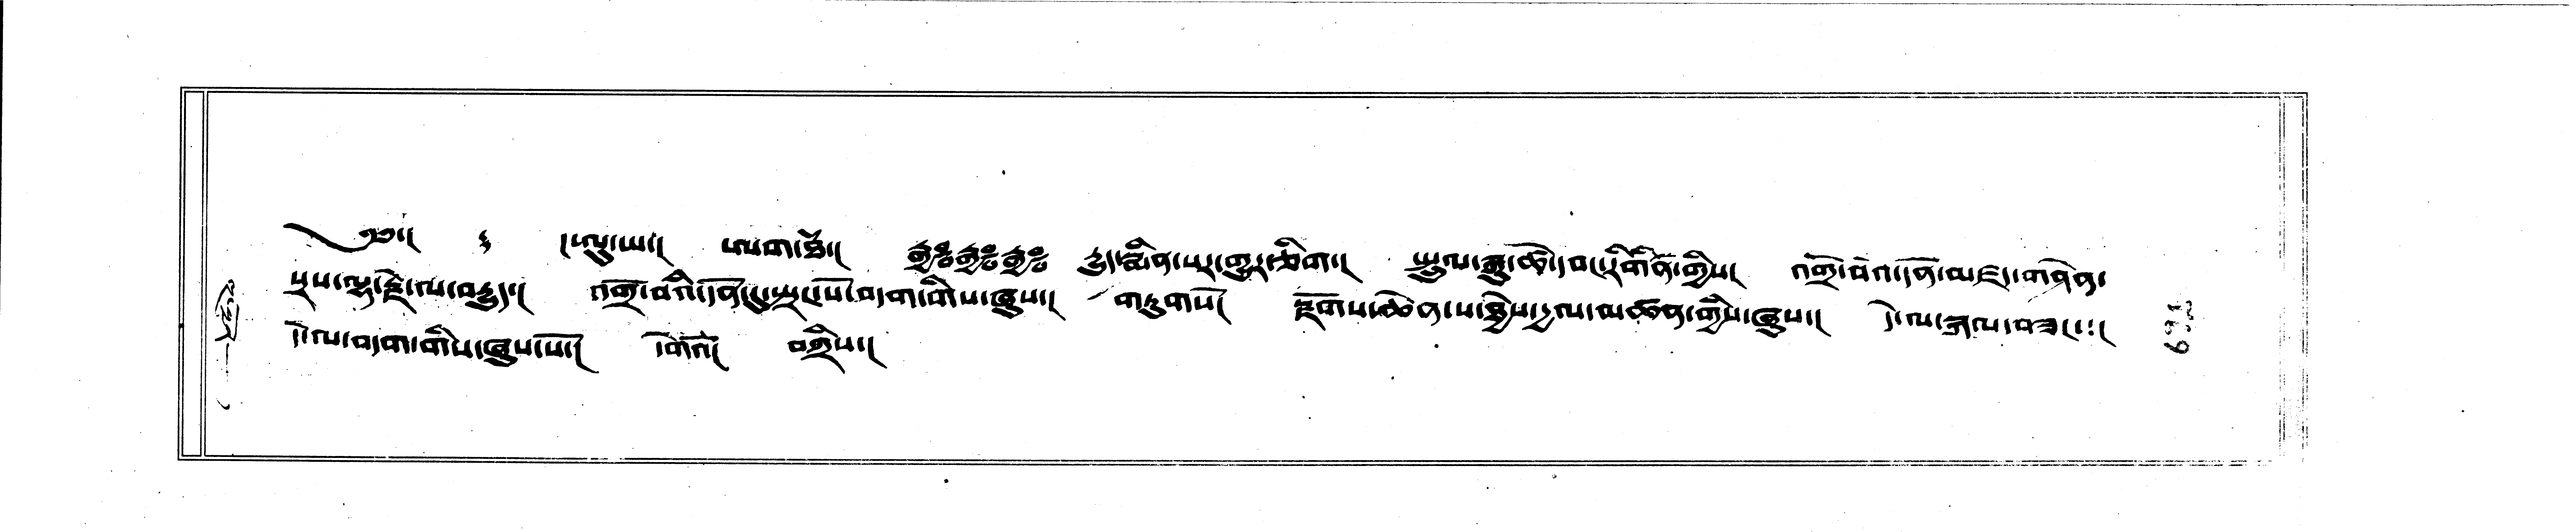ཨུ་ཡ་ཨག་ཐམ། རྒྱ་རྒྱ་རྒྱ། རྒྱུ་སྨིན་པར་གྱུར་ཅིག སྤྲུ་སྐུ་ཚེ་དབང་རིག་འཛིན་གྱིས། འགྲོ་བའི་དོན་མཛད་གཤེན་
སྲས་ལྷ་རྗེ་ལ་བརྒྱུད། འགྲོ་བའི་དོན་དུ་སྤྲང་པོ་བདག་གིས་ཞུས། གཏུགས་སོ། དག་གོ། རྫོགས་ཆེན་ཐུགས་རྗེ་རྒྱལ་མཚན་གྱིས་ཞུས། དེ་ལ་སྐལ་བཟང་།
 དེ་ལ་བདག་གིས་ཞུས་སོ། ལེགས་སོ། བཀྲ་ཤིས་པར་ཤོག